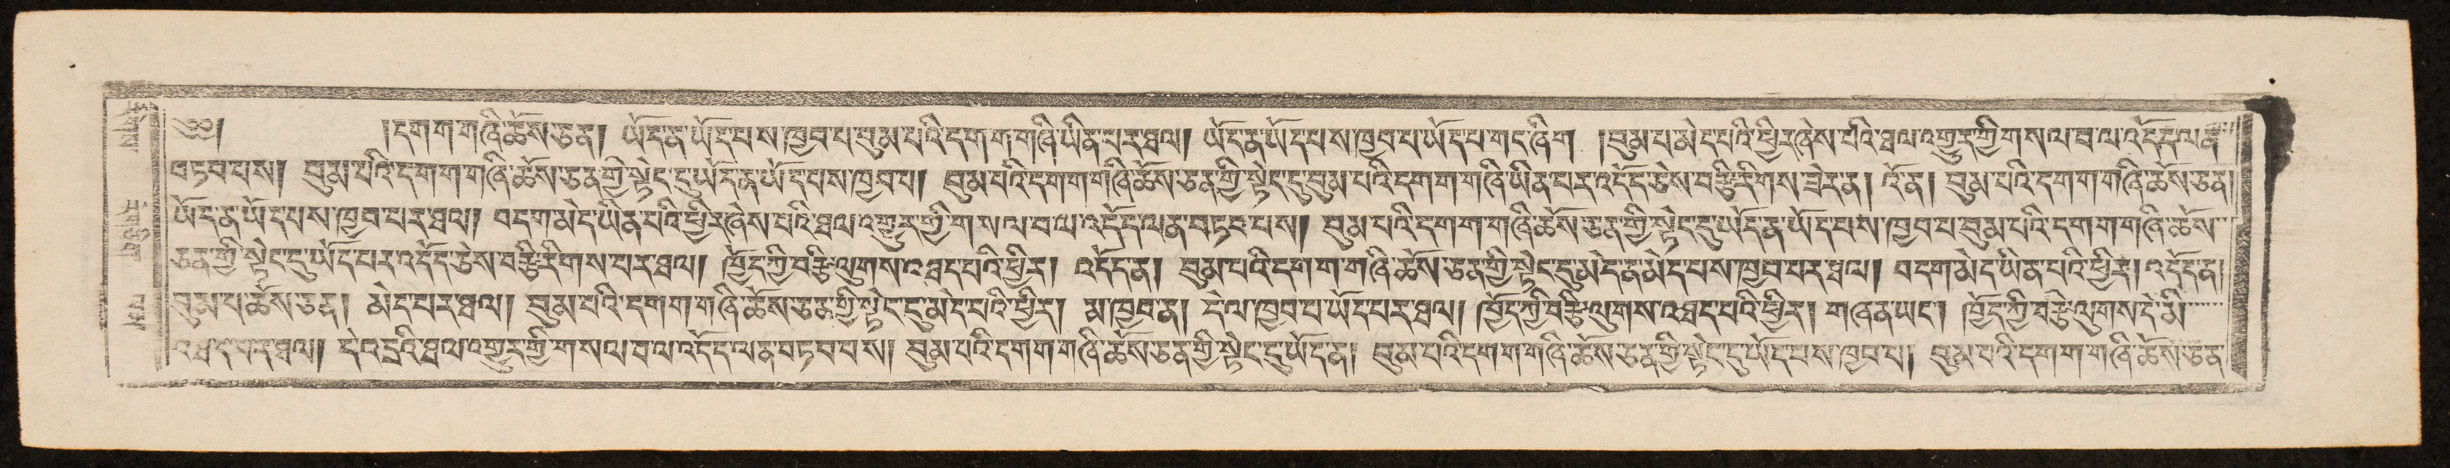༄༅། །དགག་གཞི་ཆོས་ཅན། ཡོད་ན་ཡོད་པས་ཁྱབ་པ་བུམ་པའི་དགག་གཞི་ཡིན་པར་ཐལ། ཡོད་ན་ཡོད་པས་ཁྱབ་པ་ཡོད་པ་གང་ཞིག །བུམ་པ་མེད་པའི་ཕྱིར་ཞེས་པའི་ཐལ་འགྱུར་གྱི་གསལ་བ་ལ་འདོད་ལན་
བཏབ་པས། བུམ་པའི་དགག་གཞི་ཆོས་ཅན་གྱི་སྟེང་དུ་ཡོད་ན་ཡོད་པས་ཁྱབ་པ། བུམ་པའི་དགག་གཞི་ཆོས་ཅན་གྱི་སྟེང་དུ་བུམ་པའི་དགག་གཞི་ཡིན་པར་འདོད་ཅེས་བརྩི་རིགས་ཟེར་ན། འོ་ན། བུམ་པའི་དགག་གཞི་ཆོས་ཅན་
ཡོད་ན་ཡོད་པས་ཁྱབ་པར་ཐལ། བདག་མེད་ཡིན་པའི་ཕྱིར་ཞེས་པའི་ཐལ་འགྱུར་གྱི་གསལ་བ་ལ་འདོད་ལན་བཏབ་པས། བུམ་པའི་དགག་གཞི་ཆོས་ཅན་གྱི་སྟེང་དུ་ཡོད་ན་ཡོད་པས་ཁྱབ་པ་བུམ་པའི་དགག་གཞི་ཆོས་
ཅན་གྱི་སྟེང་དུ་ཡོད་པར་འདོད་ཅེས་བརྩི་རིགས་པར་ཐལ། ཁྱོད་ཀྱི་བརྩི་ལུགས་འཐད་པའི་ཕྱིར། འདོད་ན། བུམ་པའི་དགག་གཞི་ཆོས་ཅན་གྱི་སྟེང་དུ་མེད་ན་མེད་པས་ཁྱབ་པར་ཐལ། བདག་མེད་ཡིན་པའི་ཕྱིར། འདོད་ན།
བུམ་པ་ཆོས་ཅན། མེད་པར་ཐལ། བུམ་པའི་དགག་གཞི་ཆོས་ཅན་གྱི་སྟེང་དུ་མེད་པའི་ཕྱིར། མ་ཁྱབ་ན། དེ་ལ་ཁྱབ་པ་ཡོད་པར་ཐལ། ཁྱོད་ཀྱི་བརྩི་ལུགས་འཐད་པའི་ཕྱིར། གཞན་ཡང་། ཁྱོད་ཀྱི་བརྩི་ལུགས་དེ་མི་
འཐད་པར་ཐལ། དེ་འདྲའི་ཐལ་འགྱུར་གྱི་གསལ་བ་ལ་འདོད་ལན་བཏབ་པས། བུམ་པའི་དགག་གཞི་ཆོས་ཅན་གྱི་སྟེང་དུ་ཡོད་ན། བུམ་པའི་དགག་གཞི་ཆོས་ཅན་གྱི་སྟེང་དུ་ཡོད་པས་ཁྱབ་པ། བུམ་པའི་དགག་གཞི་ཆོས་ཅན་